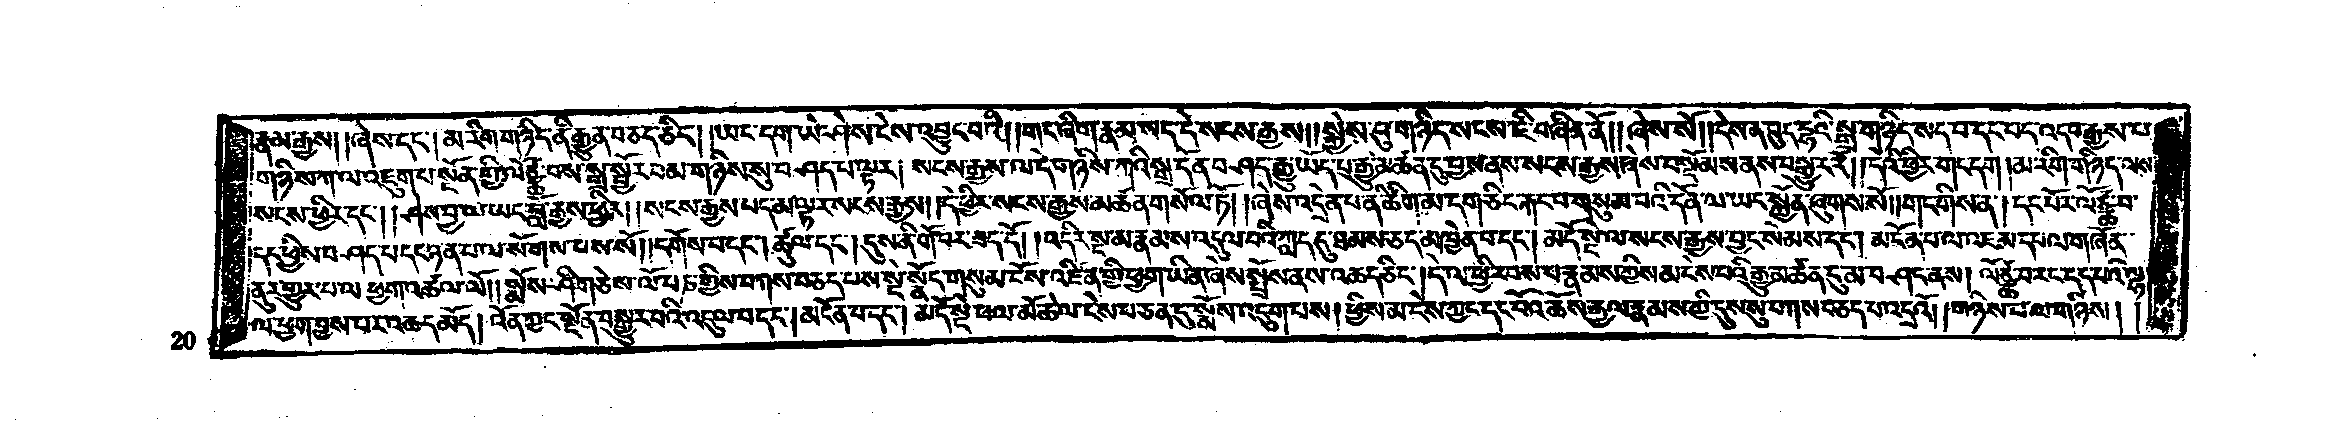རྣམ་རྒྱས། །ཞེས་དང་། མ་རིག་གཉིད་ནི་རྒྱུན་བཅད་ཅིང་། །ཡང་དག་ཡེ་ཤེས་ངེས་འབྱུང་བའི། །གང་ཞིག་རྣམ་སད་དེ་སངས་རྒྱས། །སྐྱེས་བུ་གཉིད་སངས་ཇི་བཞིན་ནོ། །ཞེས་སོ། །དེས་ན་བུད་དྷའི་སྒྲ་གཉིད་སད་པ་དང་པད་འདབ་རྒྱས་པ་
གཉིས་ཀ་ལ་འཇུག་པ་སྔོན་གྱི་ལོཙྪ་བས་སྒྲ་སྦྱོར་བམ་གཉིས་སུ་བཤད་པ་ལྟར། སངས་རྒྱས་ལ་དེ་གཉིས་ཀའི་སྒྲ་དོན་བཤད་རྒྱུ་ཡོད་པ་རྒྱུ་མཚན་དུ་བྱས་ནས་སངས་རྒྱས་ཞེས་བསྡོམས་ནས་བསྒྱུར་རོ། །དེའི་ཕྱིར་གང་དག །མ་རིག་གཉིད་ལས་
སངས་ཕྱིར་དང་། །ཤེས་བྱ་ལ་ཡང་བློ་རྒྱས་ཕྱིར། །སངས་རྒྱས་པད་མ་ལྟར་སངས་རྒྱས། །དེ་ཕྱིར་སངས་རྒྱས་མཚན་གསོལ་ཏོ། །ཞེས་འདྲེན་པ་ནི་ཚིག་མ་དག་ཅིང་རྐང་པ་གསུམ་པའི་དོན་ལ་ཡང་སྐྱོན་ཞུགས་སོ། །གང་གིས་ན། དང་པོར་ལོཙྪ་བ་
དང་ཕྱིས་བཤད་པ་དང་ཉན་པ་ལ་སོགས་པས་སོ། །དགོས་པ་དང་། ཚུལ་དང་། དུས་ནི་གོ་བར་ཟད་དོ། །འདིར་སྔ་མ་རྣམས་འདུལ་བའི་ཀླད་དུ་ཐམས་ཅད་མཁྱེན་པ་དང་། མདོ་སྡེ་ལ་སངས་རྒྱས་བྱང་སེམས་དང་། མངོན་པ་ལ་འཇམ་དཔལ་གཞོན་
ནུ་འགྱུར་པ་ལ་ཕྱག་འཚལ་ལོ། །སྨོས་ཤིག་ཅེས་ལོ་པཎ་གྱིས་བཀས་བཅད་པས་སྡེ་སྣོད་གསུམ་ངོས་འཛིན་གྱི་ཕྱག་ཡིན་ཞེས་སྨྲོས་ནས་འཆད་ཅིང་། དེ་ལ་ཕྱི་རབས་པ་རྣམས་ཀྱིས་མ་ངེས་པའི་རྒྱུ་མཚན་དུ་མ་བཤད་ནས། ལོ་ཙྪ་བ་རང་དད་པའི་ལྷ་
ལ་ཕྱག་བྱས་པར་འཆད་མོད། འོན་ཀྱང་སྔོན་བསྒྱུར་བའི་འདུལ་བ་དང་། མངོན་པ་དང་། མདོ་སྡེ་ཕལ་མོ་ཆེ་ལ་ངེས་པ་ཅན་དུ་སྨོས་འདུག་པས། ཕྱིས་མ་ངེས་ཀྱང་དང་པོའི་ཆོས་རྒྱལ་རྣམས་ཀྱི་དུས་སུ་བཀས་བཅད་པ་འདྲའོ། །གཉིས་པ་ལ་གཉིས།